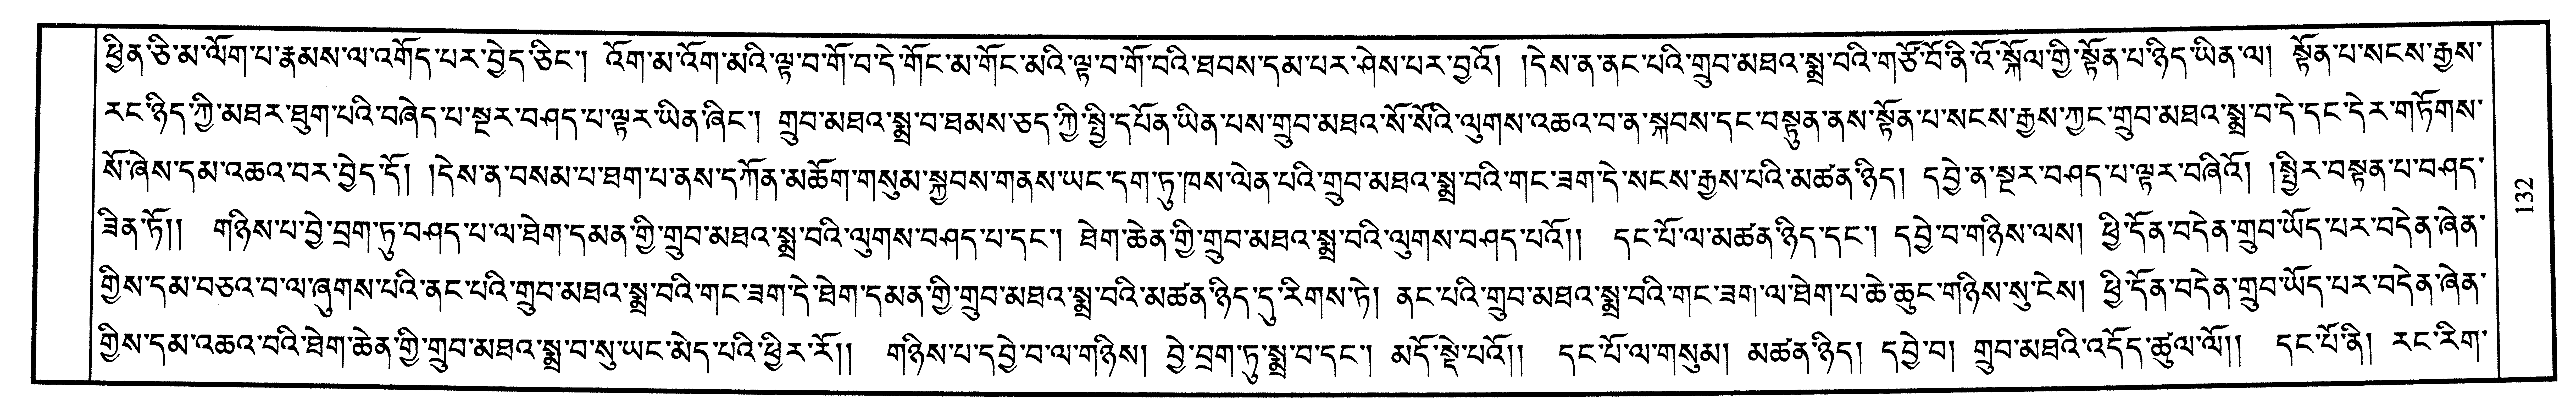ཕྱིན་ཅི་མ་ལོག་པ་རྣམས་ལ་འགོད་པར་བྱེད་ཅིང་། འོག་མ་འོག་མའི་ལྟ་བ་གོ་བ་དེ་གོང་མ་གོང་མའི་ལྟ་བ་གོ་བའི་ཐབས་དམ་པར་ཤེས་པར་བྱའོ། །དེས་ན་ནང་པའི་གྲུབ་མཐའ་སྨྲ་བའི་གཙོ་བོ་ནི་འོ་སྐོལ་གྱི་སྟོན་པ་ཉིད་ཡིན་ལ། སྟོན་པ་སངས་རྒྱས་
རང་ཉིད་ཀྱི་མཐར་ཐུག་པའི་བཞེད་པ་སྔར་བཤད་པ་ལྟར་ཡིན་ཞིང་། གྲུབ་མཐའ་སྨྲ་བ་ཐམས་ཅད་ཀྱི་སྤྱི་དཔོན་ཡིན་པས་གྲུབ་མཐའ་སོ་སོའི་ལུགས་འཆའ་བ་ན་སྐབས་དང་བསྟུན་ནས་སྟོན་པ་སངས་རྒྱས་ཀྱང་གྲུབ་མཐའ་སྨྲ་བ་དེ་དང་དེར་གཏོགས་
སོ་ཞེས་དམ་འཆའ་བར་བྱེད་དོ། །དེས་ན་བསམ་པ་ཐག་པ་ནས་དཀོན་མཆོག་གསུམ་སྐྱབས་གནས་ཡང་དག་ཏུ་ཁས་ལེན་པའི་གྲུབ་མཐའ་སྨྲ་བའི་གང་ཟག་དེ་སངས་རྒྱས་པའི་མཚན་ཉིད། དབྱེ་ན་སྔར་བཤད་པ་ལྟར་བཞིའོ། །སྤྱིར་བསྟན་པ་བཤད་
ཟིན་ཏོ།། གཉིས་པ་བྱེ་བྲག་ཏུ་བཤད་པ་ལ་ཐེག་དམན་གྱི་གྲུབ་མཐའ་སྨྲ་བའི་ལུགས་བཤད་པ་དང་། ཐེག་ཆེན་གྱི་གྲུབ་མཐའ་སྨྲ་བའི་ལུགས་བཤད་པའོ།། དང་པོ་ལ་མཚན་ཉིད་དང་། དབྱེ་བ་གཉིས་ལས། ཕྱི་དོན་བདེན་གྲུབ་ཡོད་པར་བདེན་ཞེན་
གྱིས་དམ་བཅའ་བ་ལ་ཞུགས་པའི་ནང་པའི་གྲུབ་མཐའ་སྨྲ་བའི་གང་ཟག་དེ་ཐེག་དམན་གྱི་གྲུབ་མཐའ་སྨྲ་བའི་མཚན་ཉིད་དུ་རིགས་ཏེ། ནང་པའི་གྲུབ་མཐའ་སྨྲ་བའི་གང་ཟག་ལ་ཐེག་པ་ཆེ་ཆུང་གཉིས་སུ་ངེས། ཕྱི་དོན་བདེན་གྲུབ་ཡོད་པར་བདེན་ཞེན་
གྱིས་དམ་འཆའ་བའི་ཐེག་ཆེན་གྱི་གྲུབ་མཐའ་སྨྲ་བ་སུ་ཡང་མེད་པའི་ཕྱིར་རོ།། གཉིས་པ་དབྱེ་བ་ལ་གཉིས། བྱེ་བྲག་ཏུ་སྨྲ་བ་དང་། མདོ་སྡེ་པའོ།། དང་པོ་ལ་གསུམ། མཚན་ཉིད། དབྱེ་བ། གྲུབ་མཐའི་འདོད་ཚུལ་ལོ།། དང་པོ་ནི། རང་རིག་